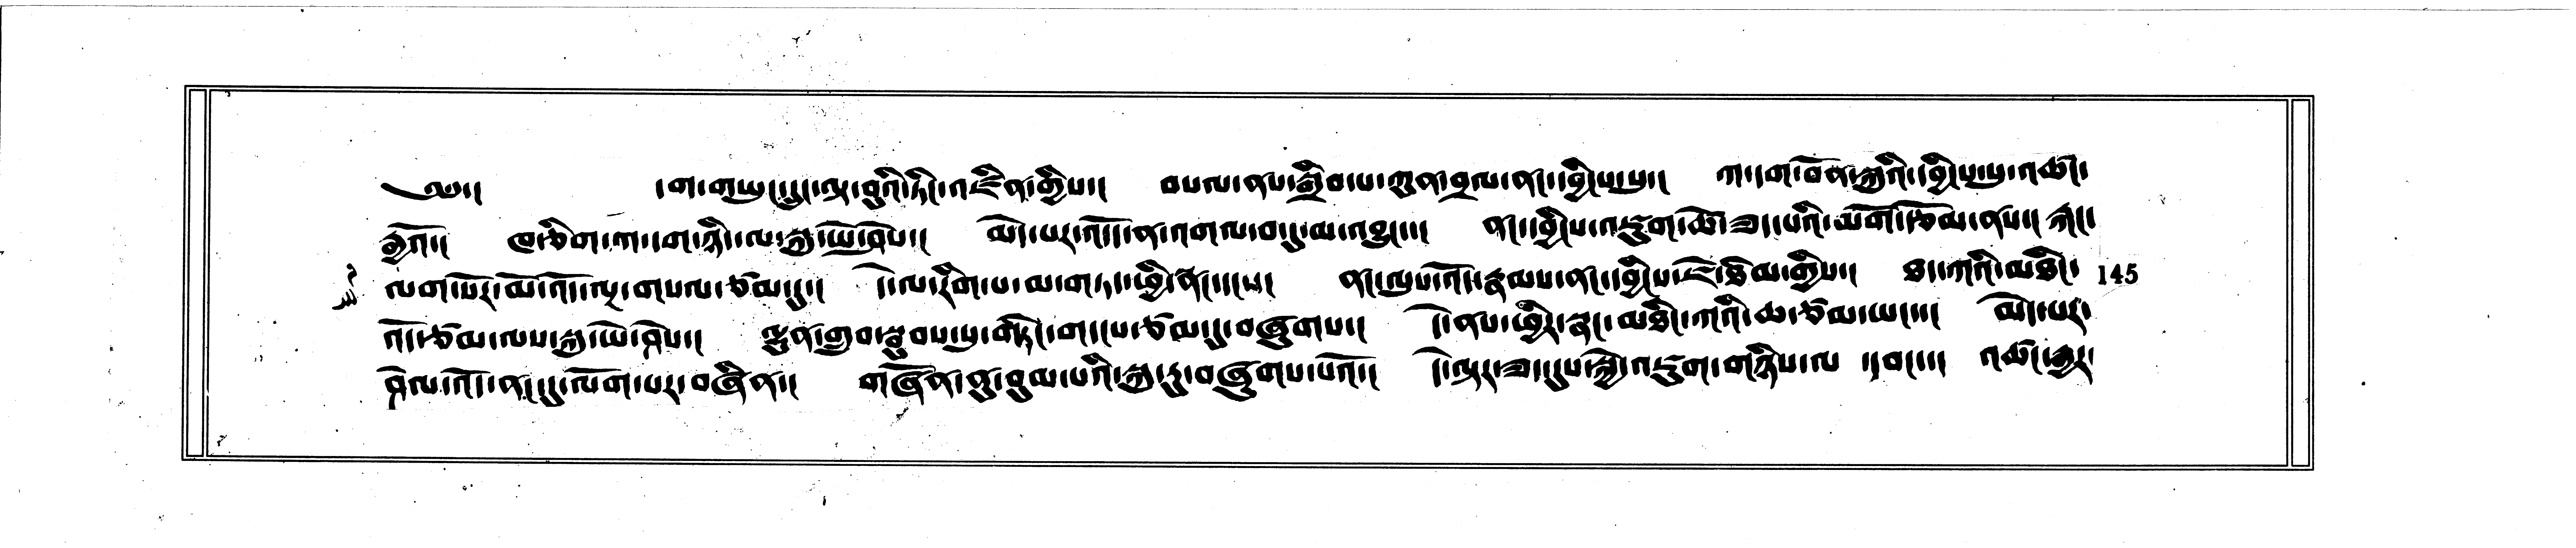དག་གཡུང་དྲུང་ལྟ་བུའི་ཏིང་འཛིན་གྱིས། །བསལ་ནས་སྒྲིབ་པ་ཀུན་བྲལ་ནང་དབྱིངས་སུ། །ཀ་དག་བོན་སྐུའི་དབྱིངས་སུ་འཚང་
རྒྱའོ། །ཁ་ཅིག་ཀ་དག་ཉིད་ལ་སྐུ་ཡེ་ཤེས། །མེད་པར་འདོད་ན་འགལ་བ་དུ་མ་འབྱུང་། །ནང་དབྱིངས་འཇུག་ཚེ་ཟད་པའི་འགོ་རྩོམ་ནས། །རྐང་
ལག་སོར་མོ་འོད་ལྔ་གསལ་ཙམ་དུ། །དེ་ལ་རིག་པ་མ་གཏད་ཕྱི་ནང་དངས། །ནང་ལུས་འོད་རྣམས་ནང་ལུས་ཇེ་ཐིམ་གྱིས། །ཐད་ཀའི་མཐིང་
འོད་ཙམ་ལས་སྐུ་ཡེ་ཤེས། །ལྷུན་གྲུབ་སྦུབས་སུ་གཏིང་གདངས་ཙམ་དུ་བཞུགས། །དེ་ནས་ཕྱིར་སྣང་མཐིང་ཁའི་ཆ་ཙམ་ཡང་། །མེད་པར་
ཤེལ་འོད་ནང་དུ་ལོགས་པ་བཞིན། །གཞོན་ནུ་བུམ་པའི་སྐུ་རུ་བཞུགས་པའོ། །དེ་ལྟར་ཟད་དུས་སྐྱེ་འཇུག་གཉིས་ལ་དབང་། །འཚང་རྒྱར་